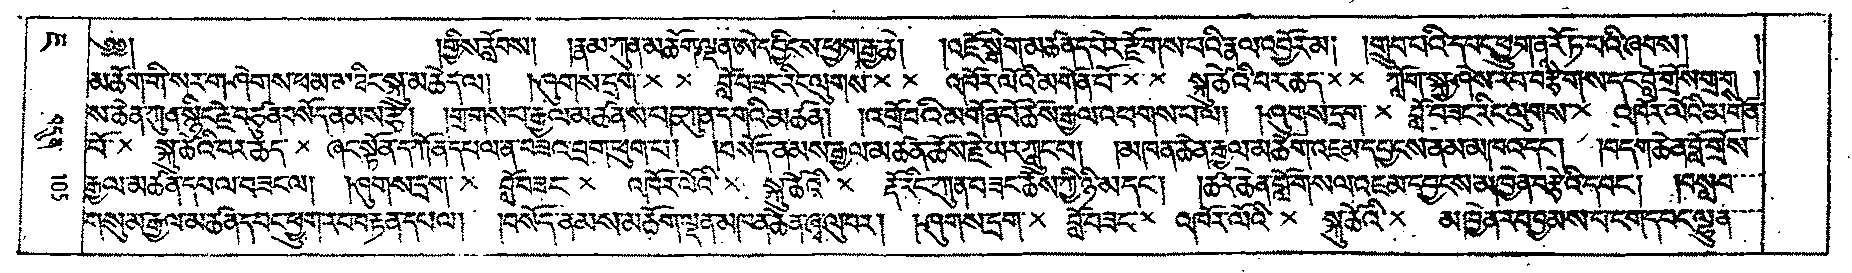༄༅། །གྱིས་རློབས། །རྣམ་ཀུན་མཆོག་ལྡན་ཨེ་དབྱིངས་ཕྱག་རྒྱ་ཆེ། །འཇོ་སྒེག་མཚན་དཔེར་རྫོགས་པའི་རྣལ་འབྱོར་མ། །གྲུབ་པའི་དབང་ཕྱུག་ནཱ་རོ་ཏ་པའི་ཞབས། །
མཆོག་གི་སར་གཤེགས་ཕམ་མཐིང་སྐུ་མཆེད་ལ། །ཤུགས་དྲག་྾྾་བློ་བཟང་རིང་ལུགས་྾྾་འཁོར་ལོའི་མགོན་པོ་྾྾་སྐུ་ཚེའི་བར་ཆད་྾྾་ཀློག་སྐྱ་ཤེས་རབ་བརྩེགས་དང་བློ་གྲོས་གྲགས།
ས་ཆེན་ཀུན་སྙིང་རྗེ་བཙུན་བསོད་ནམས་རྩེ། །གྲགས་པ་རྒྱལ་མཚན་ས་པཎ་ཀུན་དགའི་མཚན། །འགྲོ་བའི་མགོན་པོ་ཆོས་རྒྱལ་འཕགས་པ་ལ། །ཤུགས་དྲག་྾་བློ་བཟང་རིང་ལུགས་྾་འཁོར་ལོའི་མགོན་
པོ་྾་སྐུ་ཚེའི་བར་ཆད་྾་ཞང་སྟོན་དཀོན་དཔལ་ན་བཟའ་བྲག་ཕུག་པ། །བསོད་ནམས་རྒྱལ་མཚན་ཆོས་རྗེ་ཡར་ཀླུང་པ། །མཁན་ཆེན་རྒྱལ་མཆོག་འཇམ་དབྱངས་ནམ་མཁའ་དང་། །བདག་ཆེན་བློ་གྲོས་
རྒྱལ་མཚན་དཔལ་བཟང་ལ། །ཤུགས་དྲག་྾་བློ་བཟང་྾་འཁོར་ལོའི་྾་སྐུ་ཚེའི་྾་རྡོ་རིང་ཀུན་བཟང་ཆོ་ཀྱི་ཉི་མ་དང་། །ཚར་ཆེན་བློ་གསལ་འཇམ་དབྱངས་མཁྱེན་བརྩེའི་དབང་། །བསླབ་
གསུམ་རྒྱལ་མཚན་དབང་ཕྱུག་རབ་བརྟན་དཔལ། །བསོད་ནམས་མཆོག་ལྡན་མཁན་ཆེན་ཞྭ་ལུ་བར། །ཤུགས་དྲག་྾་བློ་བཟང་྾་འཁོར་ལོའི་྾་སྐུ་ཚེའི་྾་མཁྱེན་རབ་བྱམས་པ་ངག་དབང་ལྷུན་